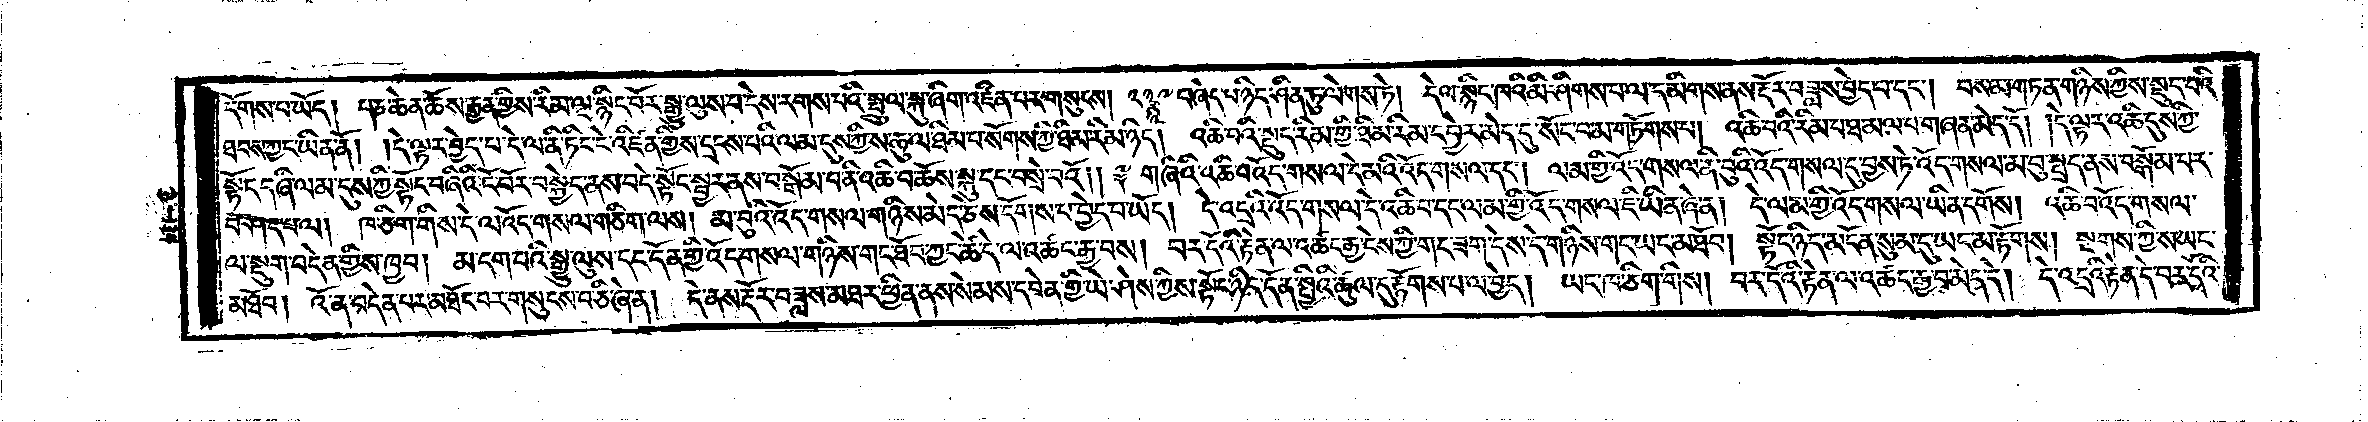དོགས་པ་ཡོད། པཎ་ཆེན་ཆོས་རྒྱན་གྱིས་རིམ་ལྔ་སྙིང་པར་སྒྱུ་ལུས་བ་དེས་རགས་པའི་སྤྲུལ་སྐུ་ཞིག་འཛིན་པར་གསུངས། ༢༣༧ར༣་བཞེད་པ་ཉིད་ཤིན་ཏུ་ལེགས་ཏེ། དེ་ལ་སྙིང་ཁའི་མི་ཤིགས་པ་ལ་དམིགས་ནས་རྡོར་བཟླས་བྱེད་པ་དང་། བསམ་གཏན་གཉིས་ཀྱིས་སྡུད་པའི་
ཐབས་ཀྱང་ཡིན་ནོ། །དེ་ལྟར་བྱེད་པ་དེ་ལ་ནི་ཏིང་ངེ་འཛིན་གྱིས་དྲངས་པའི་ལམ་དུས་ཀྱིས་ཆུ་ལ་ཐིམ་པ་སོགས་ཀྱི་ཐིམ་རིམ་ཉིད། འཆི་བའི་སྡུད་རིམ་གྱི་ཐིམ་རིམ་དབྱེར་མེད་དུ་སོང་བ་མ་གཏོགས་པ། འཆི་བའི་རིམ་པ་ཐ་མལ་པ་གཞན་མེད་དོ། །དེ་ལྟར་འཆི་དུས་ཀྱི་
སྟོང་ཛྷི་ལམ་དུས་ཀྱི་སྟོང་བཞིའི་ངོ་བོར་བསྐྱེད་ནས་བདེ་སྟོང་སྦྱར་ནས་བསྒོམ་པ་ནི་འཆི་བ་ཆོས་སྐུ་དང་བསྲ་བའོ། །༈ གཞིའི་འཆི་བ་འོད་གསལ་དེ་མའི་འོད་གསལ་དང་། ལམ་གྱི་འོད་གསལ་ནི་བུའི་འོད་གསལ་དུ་བྱས་ཏེ་འོད་གསལ་མ་བུ་སྤྲད་ནས་བསྒོམ་པར་
བཤད་པ་ལ། ཁ་ཅིག་གི་ས་དེ་ལ་འོད་གསལ་གཅིག་ལས། མ་བུའི་འོད་གསལ་གཉིས་མེད་ཅེས་དགོས་པ་བྱེད་པ་ཡོད། དེ་འདྲ་འོད་གསལ་དེ་འཆི་བ་དང་ལམ་གྱི་འོད་གསལ་ཇི་ཡིན་ཞེ་ན། དེ་ལམ་གྱི་འོད་གསལ་ཡིན་དགོས། འཆི་བ་འོད་གསལ་
ལ་སྡུག་བདེན་གྱིས་ཁྱབ། མ་དག་པའི་སྒྱུ་ལུས་དང་དོན་གྱི་འོད་གསལ་གཉིས་གང་ཐོབ་ཀྱང་ཚེ་དེ་ལ་འཚང་རྒྱ་བས། བར་དོའི་རྟེན་ལ་འཚང་རྒྱ་ངེས་ཀྱི་གང་ཟག་དེས་དེ་གཉིས་གང་ཡང་མཐོབ། སྟོང་ཉིད་མངོན་སུམ་དུ་ཡང་མ་རྟོགས། སྔགས་ཀྱིས་ཡང་
མ་ཐོབ། འོ་ན་བདེན་པར་མཐོང་བར་གསུངས་བ་ཅི་ཞེ་ན། དེ་ནས་རྡོར་བཟླས་མཐར་ཕྱིན་ནས་སེམས་དབེན་གྱི་ཡེ་ཤེས་ཀྱིས་སྟོང་ཉིད་དོན་སྤྱིའི་ཚུལ་དུ་རྟོགས་པ་ལ་བྱེད། ཡང་ཁ་ཅིག་གིས། བར་དོའི་རྟེན་ལ་འཚང་རྒྱ་བ་མེད་དེ། དེ་འདྲའི་རྟེན་དེ་བར་དོའི་